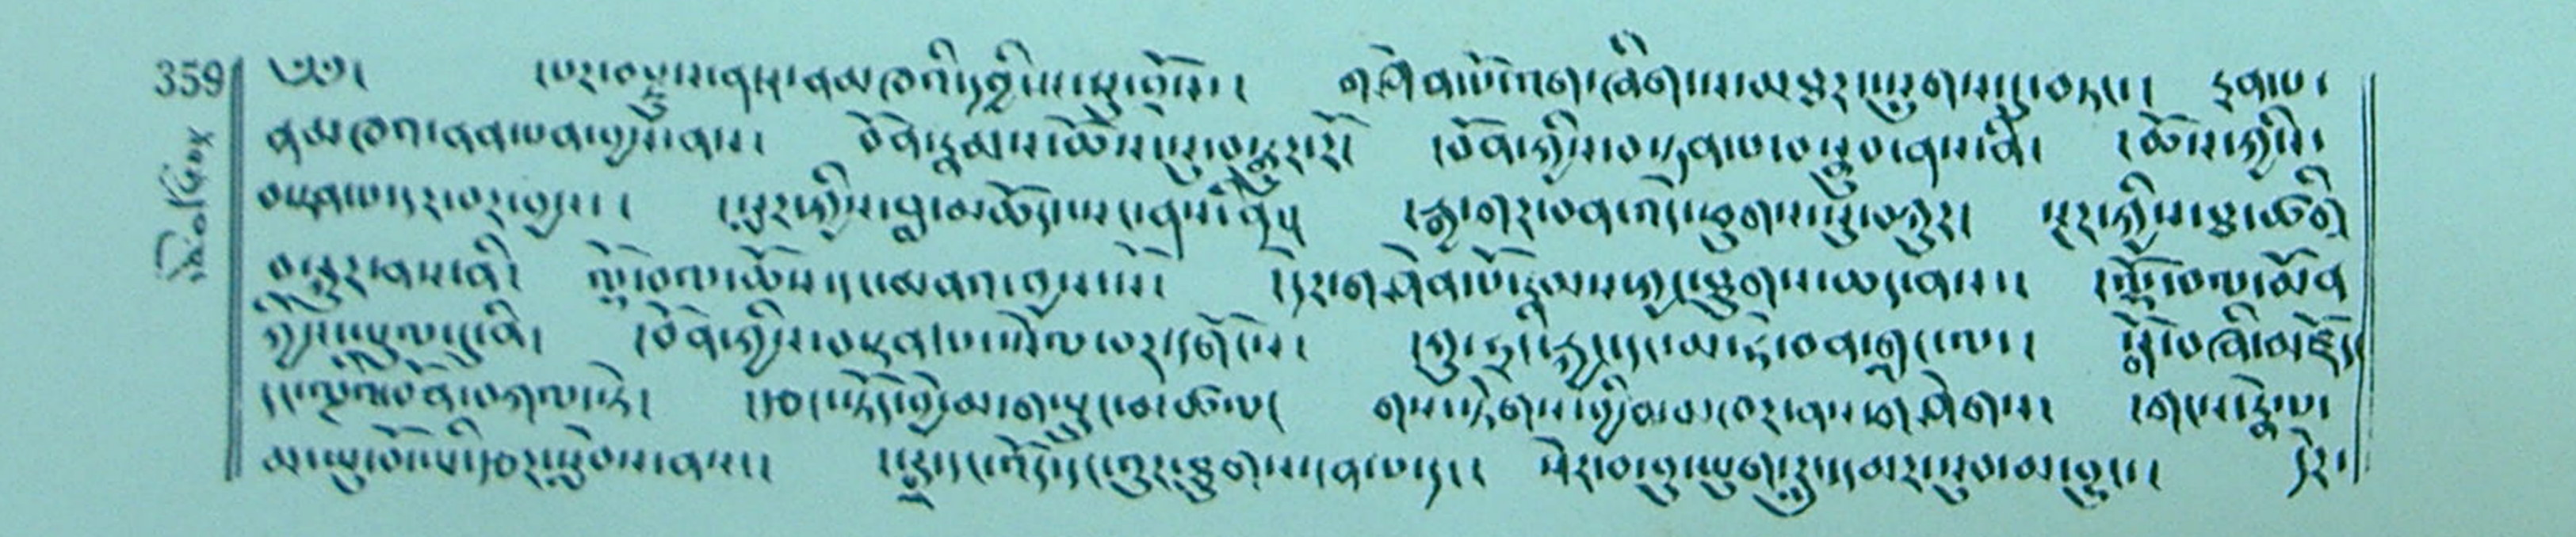༄༅། །པར་བརྫུས་ནས་ནམ་མཁའི་དབྱིངས་སུ་བྲོས། གཤེན་བོན་འགའ་ཞིག་ས་མཐར་སྤྱུགས་སུ་བཏང་། དྲན་པ་
ནམ་མཁའ་ནན་བན་བྱས་ནས། བོན་རྣམས་ཆོས་སུ་བསྒྱུར་རོ། །བོན་གྱི་བསྟན་པ་བསྣུབས་ནས་ཡིས། ཆོས་ཀྱི་
བསྟན་པ་དར་བར་བྱས། སླར་གྱི་བླ་མཆོད་སྤང་ནས་ནི། རྒྱ་གར་བན་དྷེ་ཕུགས་སུ་བཀུར། སྔར་གྱི་ཐ་ཚིག་
བསྐུར་ནས་ནི། ལྷོ་བལ་ཆོས་དང་མནའ་བྱས་སོ། །དེར་གཤེན་རྣམས་ཀྱང་ཐུགས་ཆད་ནས། ལྷོ་བལ་མོན་
གྱི་ཡུལ་དུ་ནི། བོན་གྱི་བསྟན་པ་སྤེལ་བར་དགོངས། ཀུ་ཧྲང་རྐྱང་དང་མ་ཧེ་བན་གླང་ལ། སྒོ་བཞི་མཛོད་
དང་ལྔའི་བོན་བཀལ་ཏེ། རྩང་སྟོད་བྱེ་མ་གཡུང་དྲུང་མཚལ། གས་སྟེགས་བྱི་བ་མཁར་ནས་གཤེགས། གངས་རྣེལ་
མ་ཡུ་བོའི་རྩར་སླེབས་ནས། སྒྲ་དང་འོད་དང་འུར་ཐུག་ངན་པ་དང་། སེར་བ་བུ་ཡུག་རླུང་དམར་སུབ་མ་བྱུང་། དེར་